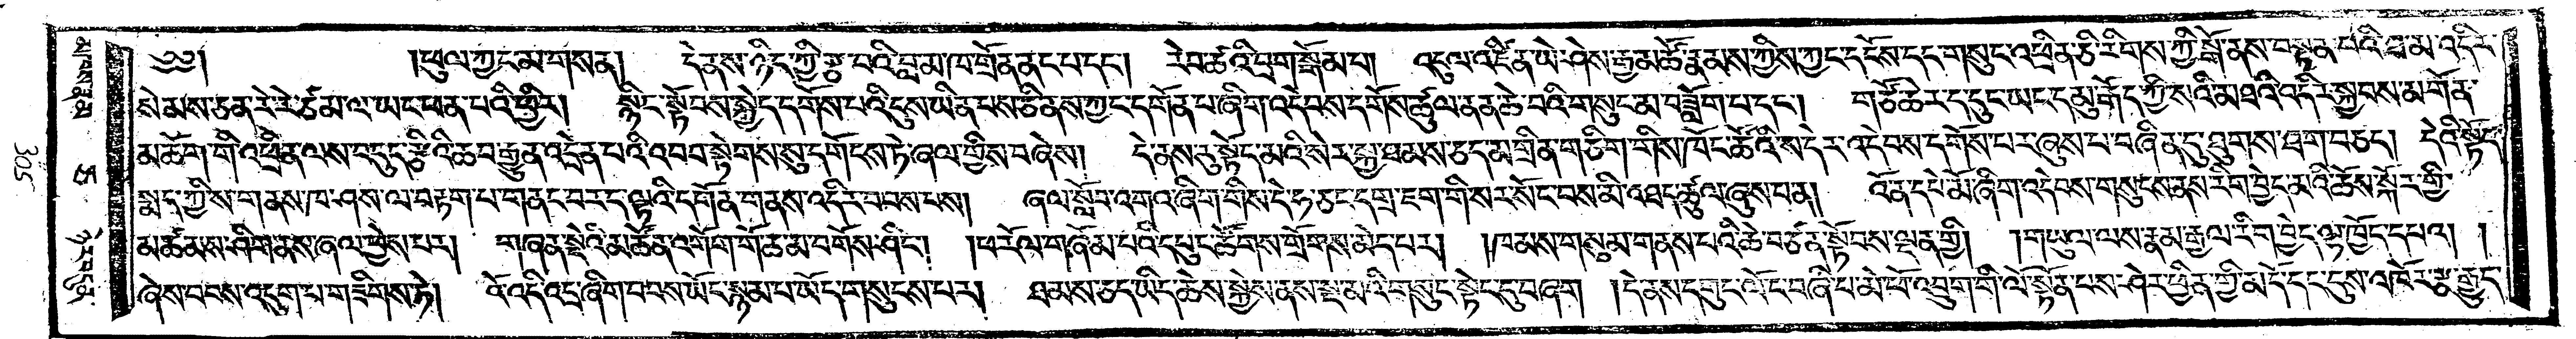༄༅། །ཕུལ་ཀྱང་མ་གསན། དེ་ནས་ཉིད་ཀྱི་རྩ་བའི་བླ་མ་ཁ་གྲོན་ནང་བ་དང་། རེབ་ཚའི་བྲག་སྒོམ་པ། འདུལ་འཛིན་ཡེ་ཤེས་རྒྱ་མཚོ་རྣམས་ཀྱིས་ཀྱང་དངོས་དང་གསུང་འཕྲིན་ཅི་རིགས་ཀྱི་སྒོ་ནས་བསྟན་པའི་ཐ་མ་འདིར་
སེམས་ཅན་རེ་རེ་ཙམ་ལ་ཡང་ཕན་པའི་ཕྱིར། སྙིང་སྟོབས་སྐྱེད་དགོས་པའི་དུས་ཡིན་བས་ཅི་ནས་ཀྱང་དགོན་པ་ཞིག་འདེབས་དགོས་ཚུལ་ནན་ཆེ་བའི་གསུང་མ་བཟློག་པ་དང་། གཙོ་ཆེར་ད་དུང་ཡང་དམུ་རྒོད་ཀྱི་སའི་མཐའི་འདིར་སྐྱབས་མགོན་
མཆོག་གི་འཕྲིན་ལས་བདུད་རྩིའི་ཆབ་རྒྱུན་འདྲེན་པའི་འབབ་སྟེགས་སུ་དགོངས་ཏེ་ཞལ་གྱིས་བཞེས། དེ་ནས་རུ་སྟོད་མའི་སེར་སྐྱ་ཐམས་ཅད་མགྲིན་གཅིག་གིས་ཁོང་ཚོའི་ས་དེར་འདེབས་དགོས་པར་ཞུས་པ་བཞིན་དུ་ཐུགས་ཐག་བཅད། དེའི་སྟོད་
སྨད་ཀྱིས་གནས་ཁ་ཤས་ལ་བརྟག་པ་གནང་བར་ད་ལྷའི་དགོན་གནས་འདིར་བབས་པས། ཞལ་སློབ་འགའ་ཞིག་གིས་དེ་ཧ་ཅང་དགྲ་ཇག་གི་སར་སོང་བས་མི་འཐད་ཚུལ་ཞུས་པ་ན། འོན་དཔེ་མོ་ཞིག་འདེབས་གསུངས་ནས་རིག་ཁྱེད་མའི་ཆོས་སྐོར་གྱི་
མཚམས་ཤིག་ནས་ཞལ་ཕྱེས་པར། གཞན་སྡེའི་མཚོན་འགོག་གོ་ཆ་མ་བགོས་ཤིང་། །ཕ་རོལ་གཞོམ་བའི་དཔུང་ཚོགས་གྲོགས་མེད་པར། །ཁམས་གསུམ་གནས་པའི་ཆེ་བཙན་སྟོབས་ལྡན་གྱི། །གཡུལ་ལས་རྣམ་རྒྱལ་རིག་བྱེད་ལྷ་ཁྱོད་དཔའ། །
ཞེས་བབས་འདུག་པ་གཟིགས་ཏེ། འོ་འདི་འདྲ་ཞིག་བབས་ཡོང་སྙམ་པ་ཡོད་གསུངས་པར། ཐམས་ཅད་ཡིད་ཆེས་སྐྱེས་ནས་སྔ་མའི་གསུང་སྟེང་དུ་བཞག །དེ་ནས་དགུང་ལོ་ང་བཞི་བ་མེ་ཕོ་འབྲུག་གི་ལོ་སྟོན་པས་ཤེར་ཕྱིན་གྱི་མདོ་དང་དུས་འཁོར་རྩ་རྒྱུད་